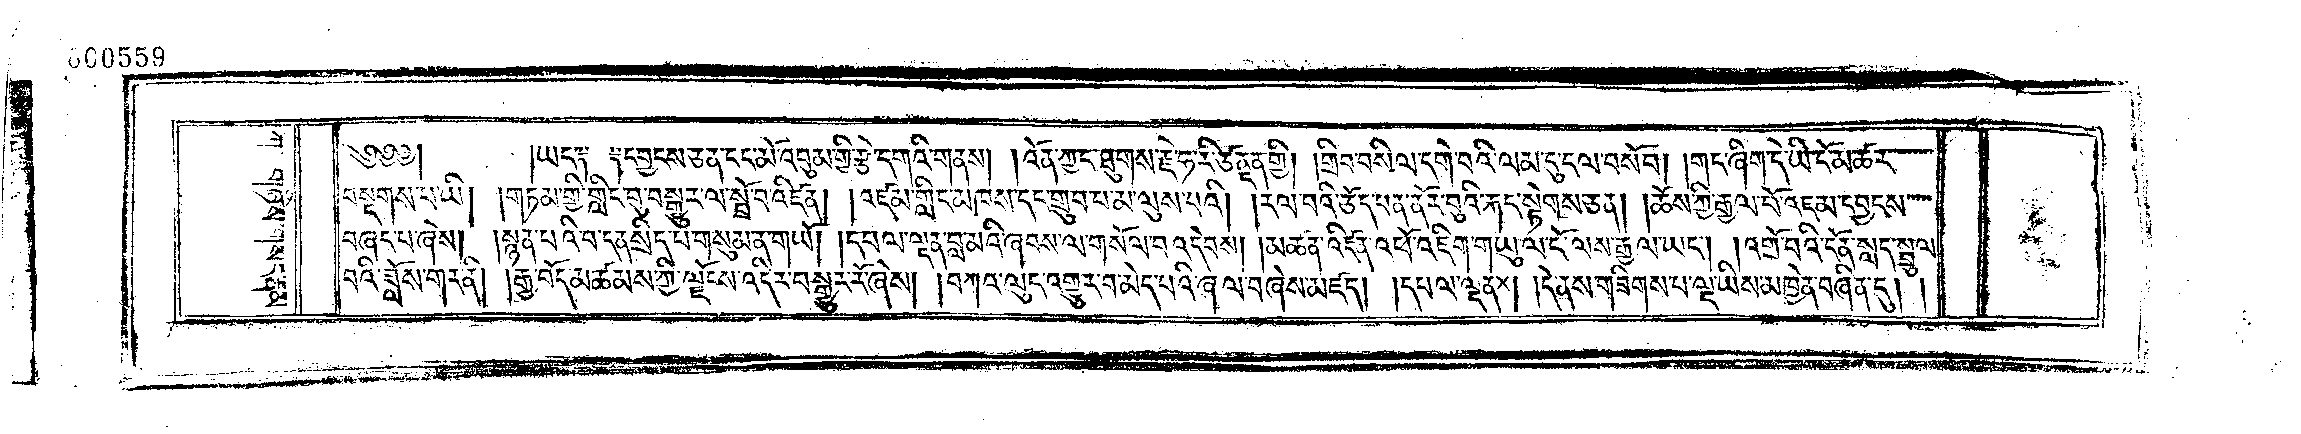༄༅༅། །ཡང༑ ༑དབྱངས་ཅན་དང་མོ་འབུམ་གྱི་རྩེ་དགའི་གནས། །འོན་ཀྱང་ཐུགས་རྗེ་ཧ་རི་ཙནྡན་གྱི། །གྲིབ་བསིལ་དགེ་བའི་ལམ་དུ་ངལ་བསོ་བ། །གང་ཞིག་དེ་ཡི་ངོ་མཚར་
བསྔགས་པ་ཡི། །གཏམ་གྱི་གླིང་བུ་བསྒྱུར་ལ་སྤྲོ་བ་འཛིན། །འཛམ་གླིང་མཁས་དང་གྲུབ་པ་མ་ལུས་པའི། །རལ་པའི་ཅོད་པན་ནོར་བུའི་རྐང་སྟེགས་ཅན། །ཆོས་ཀྱི་རྒྱལ་པོ་འཇམ་དབྱངས་
བཞད་པ་ཞེས། །སྙན་པའི་བ་དན་སྲིད་པ་གསུམ་ན་གཡོ། །དཔལ་ལྡན་བླ་མའི་ཞབས་ལ་གསོལ་བ་འདེབས། །མཚན་འཛིན་འཕོ་འཇིག་གཡུལ་ངོ་ལས་རྒྱལ་ཡང་། །འགྲོ་བའི་དོན་སླད་སྤྲུལ་
བའི་ཟློས་གར་ནི། །རྒྱ་བོད་མཚམས་ཀྱི་ལྗོངས་འདིར་བསྒྱུར་རོ་ཞེས། །བཀའ་ལུང་འགྱུར་བ་མེད་པའི་ཞལ་བཞེས་མཛད། །དཔལ་ལྡན་྾། །དེ་ནས་གཟིགས་པ་ལྔ་ཡིས་མཁྱེན་བཞིན་དུ། །